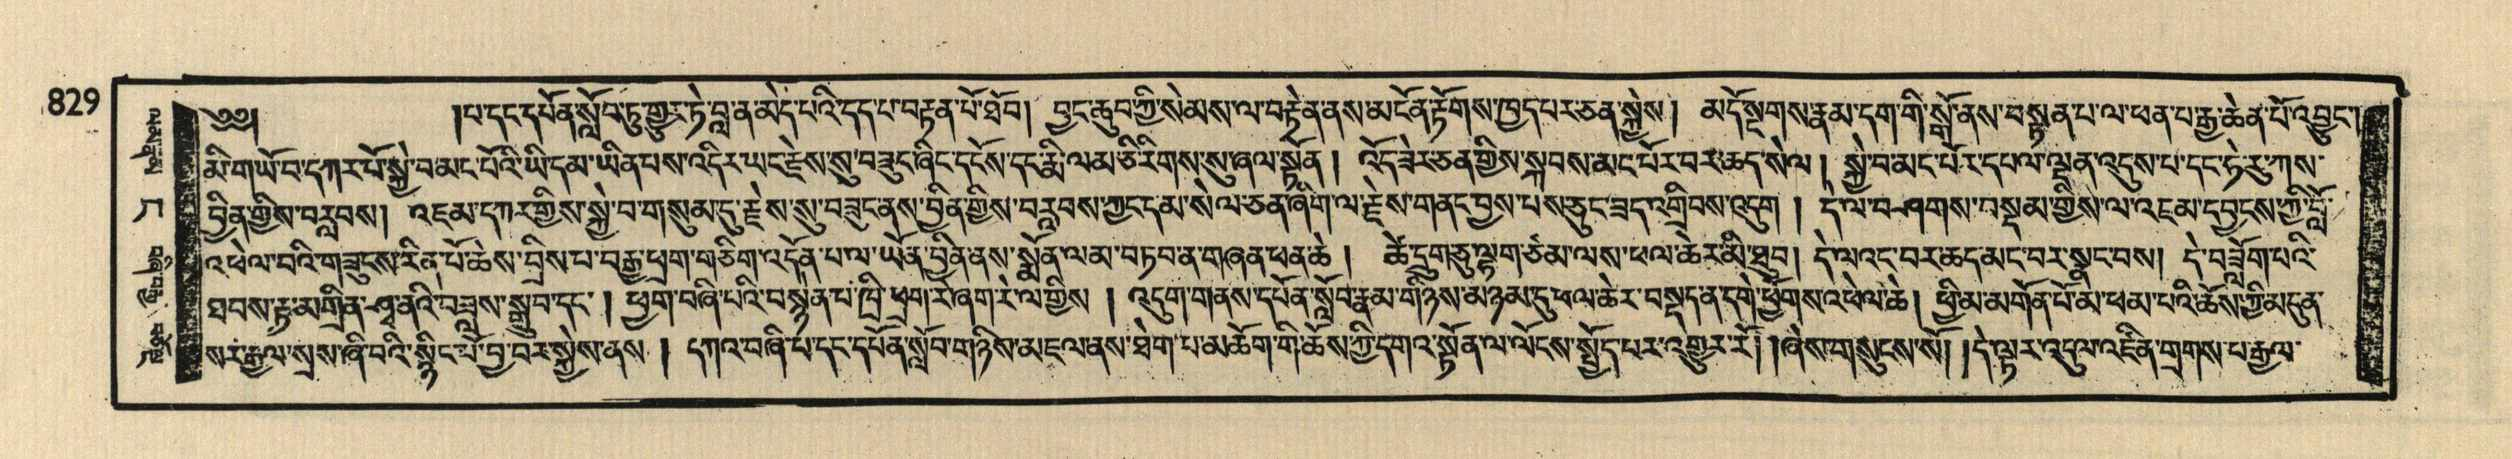༄༅། །པ་དང་དཔོན་སློབ་ཏུ་གྱུར་ཏེ་བླ་ན་མེད་པའི་དད་པ་བརྟན་པོ་ཐོབ། བྱང་ཆུབ་ཀྱི་སེམས་ལ་བརྟེན་ནས་མངོན་རྟོགས་ཁྱད་པར་ཅན་སྐྱེས། མདོ་སྔགས་རྣམ་དག་གི་སྒོ་ནས་བསྟན་པ་ལ་ཕན་པ་རྒྱ་ཆེན་པོ་འབྱུང་།
མི་གཡོ་བ་དཀར་པོ་སྐྱེ་བ་མང་པོའི་ཡི་དམ་ཡིན་པས་འདིར་ཡང་རྗེས་སུ་བཟུང་ཞིང་དངོས་དང་རྨི་ལམ་ཅི་རིགས་སུ་ཞལ་སྟོན། འོད་ཟེར་ཅན་གྱིས་སྐབས་མང་པོར་བར་ཆད་སེལ། སྐྱེ་བ་མང་པོར་དཔལ་ལྡན་འདུས་པ་དང་ཧེ་རུ་ཀས་
བྱིན་གྱིས་བརླབས། འཇམ་དཀར་གྱིས་སྐྱེ་བ་གསུམ་དུ་རྗེས་སུ་བཟུང་ནས་བྱིན་གྱིས་བརླབས་ཀྱང་དམ་སེལ་ཅན་ཞིག་ལ་རྗེས་གནང་བྱས་པས་ཅུང་ཟད་འགྲིབས་འདུག །དེ་ལ་བཤགས་བསྡམ་གྱིས་ལ་འཇམ་དབྱངས་ཀྱི་བློ་
འཕེལ་བའི་གཟུངས་རིན་པོ་ཆེས་བྲིས་པ་བརྒྱ་ཕྲག་གཅིག་འདོན་པ་ལ་ཡོན་བྱིན་ནས་སྨོན་ལམ་བཏབ་ན་གཞན་ཕན་ཆེ། ཚེ་དྲུག་ཅུ་ལྷག་ཙམ་ལས་ཕལ་ཆེར་མི་ཐུབ། དེ་ལའང་བར་ཆད་མང་བར་སྣང་བས། དེ་བཟློག་པའི་
ཐབས་རྟ་མགྲིན་ཤྭ་ནའི་བཟླས་སྒྲུབ་དང་། ཕྱག་བཞི་པའི་བསྙེན་པ་ཁྲི་ཕྲག་རེ་ཞག་རེ་ལ་གྱིས། འདུག་གནས་དཔོན་སློབ་རྣམ་གཉིས་མཉམ་དུ་ཕལ་ཆེར་བསྡད་ན་དགེ་ཕྱོགས་འཕེལ་ཆེ། ཕྱི་མ་མགོན་པོ་མ་ཕམ་པའི་ཆོས་ཀྱི་མདུན་
སར་རྒྱལ་སྲས་ཞི་བའི་སྙིང་པོ་བྱ་བར་སྐྱེས་ནས། དཀའ་བཞི་པ་དང་དཔོན་སློབ་གཉིས་མཇལ་ནས་ཐེག་པ་མཆོག་གི་ཆོས་ཀྱི་དགའ་སྟོན་ལ་ལོངས་སྤྱོད་པར་འགྱུར་རོ། །ཞེས་གསུངས་སོ། །དེ་ལྟར་འདུལ་འཛིན་གྲགས་པ་རྒྱལ་